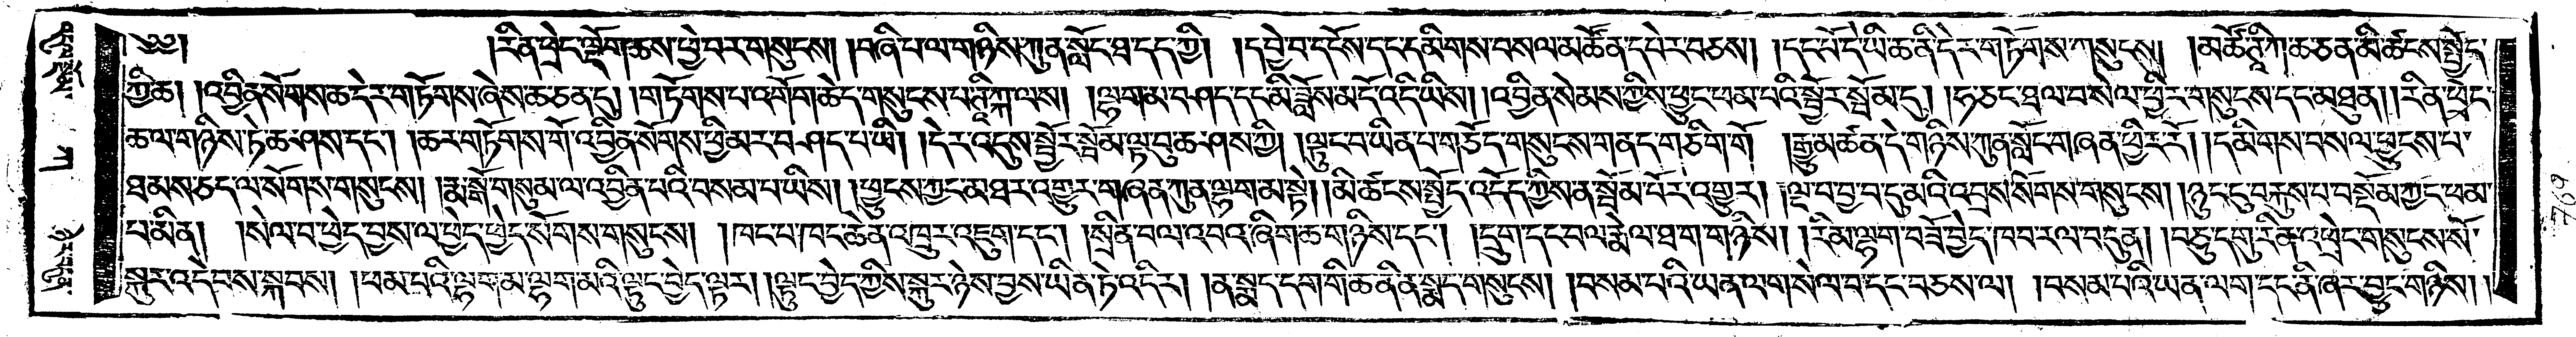༄༅། །རིན་ཕྲེང་ལྡོག་ཆས་ཕྱེ་བར་གསུངས། །བཞི་པ་ལ་གཉིས་ཀུན་སློང་ཐ་དད་ཀྱི། །དབྱེ་བ་དངོས་དང་དམིགས་བསལ་མཚོན་དཔེར་བཅས། །དང་པོ་དེ་ཡི་ཆ་ནི་དེར་གཏོགས་གསུངས། །མཚོ་ཊཱིཀ་ཆ་ཅན་མི་ཚངས་སྤྱོད་
ཀྱི་ཆ། །འབྱིན་སོགས་ཆ་དེར་གཏོགས་ཞེས་ཆ་ཅན་དུ། །གཏོགས་པ་འགོག་ཆེད་གསུངས་པ་ཊཱིཀྐ་ལས། །ལྷག་མ་བཤད་དང་མི་ཟློས་མདོ་འདི་ཡིས། །འབྱིན་སེམས་ཀྱིས་ཕྱུང་ཕམ་པའི་སྦྱོར་སྦོམ་དུ། །ཧ་ཅང་ཐལ་བ་སེལ་ཕྱིར་གསུངས་དང་མཐུན། །རིན་ཕྲེང་
ཆ་ལ་གཉིས་ཏེ་ཆ་ཤས་དང་། །ཆར་གཏོགས་གོ་འབྱིན་སོགས་ཕྱི་མར་བཤད་པ་ཡི། །དེར་འདུས་སྦྱོར་སྦོམ་ལྟ་བུ་ཆ་ཤས་ཀྱི། །ལྟུང་བ་ཡིན་པ་གཅོད་གསུངས་གནད་གཅིག་གོ །རྒྱུ་མཚན་དེ་གཉིས་ཀུན་སློང་གཞན་ཕྱིར་རོ། །དམིགས་བསལ་ཕྱུངས་པ་
ཐམས་ཅད་ལ་སོགས་གསུངས། །རྨ་སྒོ་གསུམ་ལ་འབྱིན་པའི་བསམ་པ་ཡིས། །ཕྱུངས་ཀྱང་མཐར་འགྱུར་གཞན་ཀུན་ལྷག་མ་སྟེ། །མི་ཚངས་སྤྱོད་འདོད་ཀྱིས་ན་སྦོམ་བོར་འགྱུར། །ལྔ་པ་བྱ་བ་དུ་མའི་འབྲས་སོགས་གསུངས། །ཉུང་དུ་བརྐུས་པ་བསྡོམ་ཀྱང་ཕམ་
པ་མིན། །སེལ་བ་ཕྱེད་བྱས་ལ་ཕྱེད་ཕྱེད་སོགས་གསུངས། །ཁང་པ་ཁང་ཆེན་འཁྲུར་འཇུག་དང་། །སྲིན་བལ་འབའ་ཞིག་ཆ་གཉིས་དང་། །དྲུག་དང་བལ་རྨེལ་ཐ་ག་གཉིས། །རིམ་ལྷག་བཟོ་བྱེད་ཁབ་རལ་བདུན། །བཅུ་དགུ་རིན་འཕྲེང་གསུངས་སོ་
སྐུར་འདེབས་སྐབས། །ཕམ་པའི་ལྷག་མ་ལྷག་མའི་ལྟུང་བྱེད་ལྟར། །ལྟུང་བྱེད་ཀྱིས་སྐུར་ཉེས་བྱས་ཡིན་ཏེ་འདིར། །ན་སྨད་དག་གི་ཆ་ནི་ན་སྨད་གསུངས། །བསམ་པའི་ཡན་ལ་གསོལ་བ་དང་བཅས་ལ། །བསམ་པའི་ཡན་ལག་དང་ནི་ཞར་བྱུང་གཉིས།།